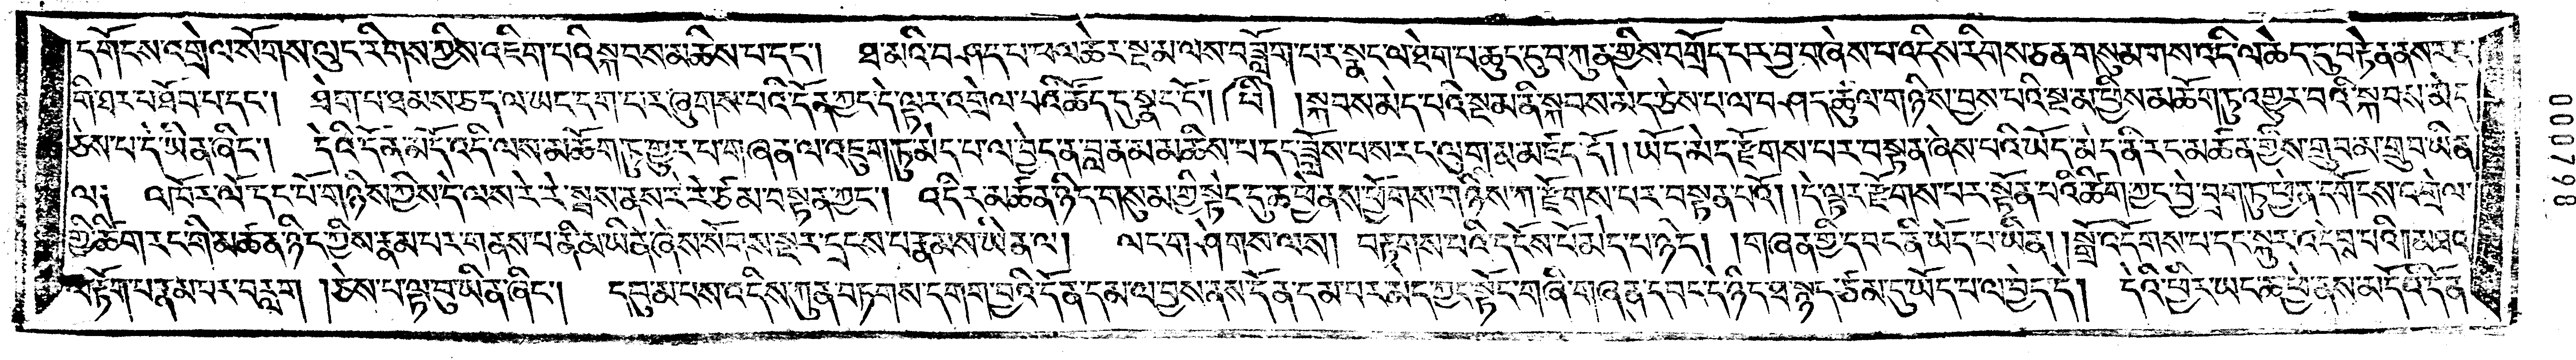དགོངས་འགྲེལ་སོགས་ལུང་རིགས་ཀྱིས་འཇིག་པའི་སྐབས་མཆིས་པ་དང་། ཐ་མའི་བཤད་པ་ཕལ་ཆེར་སྔ་མ་ལས་བཟློག་པར་སྣང་ལ་ཐེག་པ་ཆུང་ངུ་བ་ཀུན་གྱིས་བགྲོད་པར་བྱ་བ་ཞེས་པ་འདིས་རིགས་ཅན་གསུམ་གས་འདི་ལ་ཆེད་དུ་བརྟེན་ནས་རང་
གི་ཐར་པ་ཐོབ་པ་དང་། ཐེག་པ་ཐམས་ཅད་ལ་ཡང་དག་པར་ཞུགས་པའི་དོན་ཀྱང་དེ་ལྟར་འགྲེལ་པའི་ཚོད་དུ་སྣང་ངོ། ༼པི༽ །སྐབས་མེད་པའི་སྔ་མ་ནི་སྐབས་མེད་ཅེས་པ་ལ་བཤད་ཚུལ་གཉིས་བྱས་པའི་སྔ་མ་ཕྱིས་མཆོག་ཏུ་འགྱུར་བའི་སྐབས་མེད་
ཅེས་པ་དེ་ཡིན་ཞིང་། དེའི་དོན་མདོ་འདི་ལས་མཆོག་ཏུ་གྱུར་པ་གཞན་ལ་འཇུག་ཏུ་མེད་པ་ལ་བྱེད་ན་བླ་ན་མ་མཆིས་པ་དང་ཟློས་པས་རང་ལུགས་མ་མཛད་དོ། །ཡོད་མེད་རྫོགས་པར་བསྟན་ཞེས་པའི་ཡོད་མེད་ནི་རང་མཚན་གྱིས་གྲུབ་མ་གྲུབ་ཡིན་
ལ༑ འཁོར་ལོ་དང་པོ་གཉིས་ཀྱིས་དེ་ལས་རེ་རེ་སྦས་ནས་རེ་རེ་ཙམ་བསྟན་ཀྱང་། འདིར་མཚན་ཉིད་གསུམ་གྱི་སྟེང་དུ་ཆ་ཕྱེ་ནས་ཕྱོགས་གཉིས་ཀ་རྫོགས་པར་བསྟན་པའོ། །དེ་ལྟར་རྫོགས་པར་སྟོན་པའི་ཚིག་ཀྱང་བྱེ་བྲག་ཏུ་ཕྱེ་ན་དགོངས་འགྲེལ་
གྱི་ཚིག་རང་གི་མཚན་ཉིད་ཀྱིས་རྣམ་པར་གནས་པ་ནི་མ་ཡིན་ཞེས་སོགས་སྔར་དྲངས་པ་རྣམས་ཡིན་ལ། ལང་གཤེགས་ལས། བརྟགས་པའི་དངོས་པོ་མེད་པ་ཉིད། །གཞན་གྱི་དབང་ནི་ཡོད་པ་ཡིན། །སྒྲོ་འདོགས་པ་དང་སྐུར་འདེབས་པའི། །མཐའ་
ལ་རྟོག་པ་རྣམ་པར་བརླག །ཅེས་པ་ལྟ་བུ་ཡིན་ཞིང་། དབུ་མ་པས་འདིས་ཀུན་བཏགས་དགག་བྱའི་དོན་དམ་ལ་བྱས་ནས་དོན་དམ་པར་མེད་ཀྱང་སྟོང་གཞི་གཞན་དབང་དེ་ཉིད་ཐ་སྙད་ཙམ་དུ་ཡོད་པ་བྱེད་དེ། དེའི་ཕྱིར་ཡང་ཆ་ཕྱེ་ནས་མདོའི་དོན་